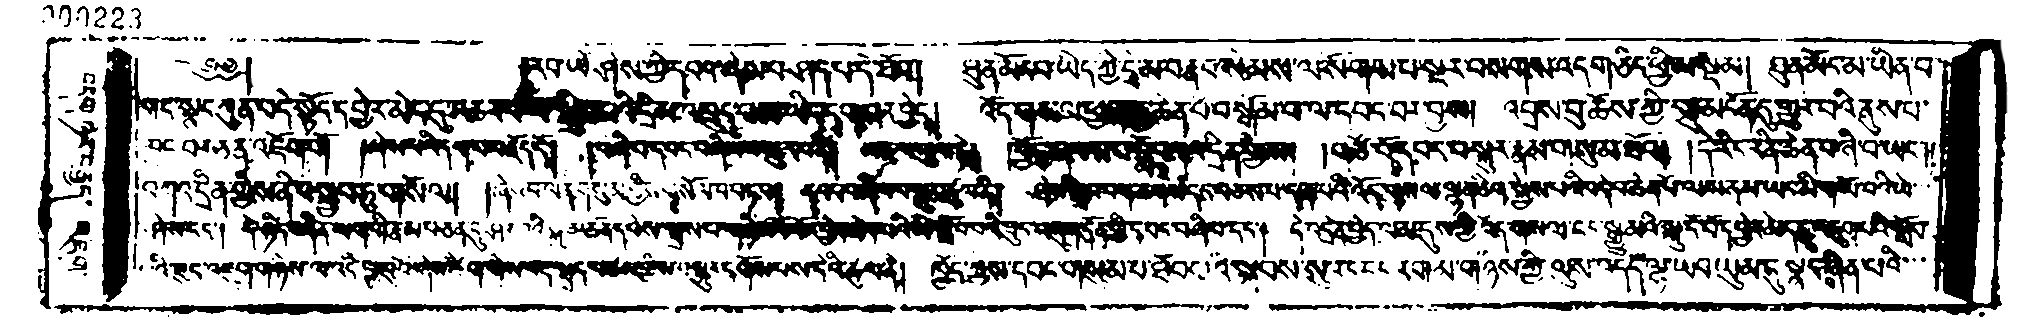༄༅། །རབ་ཡེ་ཤེས་ཀྱི་དབང་ཞེས་བཤད་པ་དེ་ཐོབ། ཐུན་མོང་བ་ཡིད་ཀྱི་དྲི་མ་བརྣབ་སེམས་ལ་སོགས་པ་སྔར་བསགས་འདག་ཅིང་ཕྱི་མ་སྡོམ། ཐུན་མོང་མ་ཡིན་པ་
གང་སྣང་ཀུན་བདེ་སྟོང་དབྱེར་མེད་དུ་འཆར་བ་ལ་སྒྲིབ་པའི་དྲི་མ་འཁྲུད་པས་ཡིད་དག་པར་བྱེད། འོད་གསལ་ཕྱག་རྒྱ་ཆེན་པོ་བསྒོམ་པ་ལ་དབང་བར་བྱས། འབྲས་བུ་ཆོས་ཀྱི་སྐུ་མངོན་དུ་གྱུར་བའི་ནུས་པ་
ཁྱད་པར་ཅན་འཇོག་གོ །ཞེས་པའི་དག་པ་བརྗོད་དོ། །བཞི་བ་དབང་བཞི་བ་བསྐུར་བ་ནི། མཎྜལ་ཕུལ་ཏེ། ཁྱོད་ཞབས་པདམོའི་བཀའ་དྲིན་གྱིས། །གཙོ་བོའི་དབང་བསྐུར་རྣམ་གསུམ་ཐོབ། །དེ་རིང་རིན་ཆེན་བཞི་བ་ཡང་། །
བཀའ་དྲིན་གྱིས་ནི་བསྐྱབ་ཏུ་གསོལ། །ཞེས་པ་ལན་གསུམ་གྱིས་གསོལ་བ་བཏབ། དབང་བཞི་བ་བསྐུར་ཚུལ་ནི། ཤེས་སྒྲིབ་བག་ཆགས་དང་བཅས་པ་དག་པའི་འོད་གསལ་ལྷན་ཅིག་སྐྱེས་པའི་བདེ་བ་ཆེན་པོ་ལས་ནམ་ཡང་མི་གཡོ་བའི་ཡེ་
ཤེས་དང་། དེ་ཉིད་བཞིན་ལག་གི་རྣམ་པ་ཅན་དུ་ཤར་བའི་སྐུ་མཚན་དཔེས་སྤྲས་པ་གཉིས་ངོ་བོ་དབྱེར་མེད་པའི་མི་སློབ་པའི་ཟུང་འཇུག་དོན་གྱི་དབང་བཞི་བ་དང་། དེ་འདྲེན་བྱེད་ལམ་དུས་ཀྱི་འོད་གསལ་དང་སྒྱུ་མའི་སྐུ་ངོ་བོ་དབྱེར་མེད་དུ་འཇུག་པའི་སློབ་
པའི་ཟུང་འཇུག་གཉིས་ལ་འདི་ལྟ་བུའོ་ཞེས་ཚིག་གིས་བརྡ་སྤྲད་པ་ཙམ་གྱིས་བསྐུར་དགོས་པས་དེའི་ཚུལ་ནི། ཁྱོད་ཀྱིས་དབང་གསུམ་པ་ཐོབ་པའི་སྐབས་སུ་རང་དང་རིག་མ་གཉིས་ཀྱི་ལུས་འདོད་ལྷ་ཡབ་ཡུམ་དུ་སྣང་བཞིན་པའི་